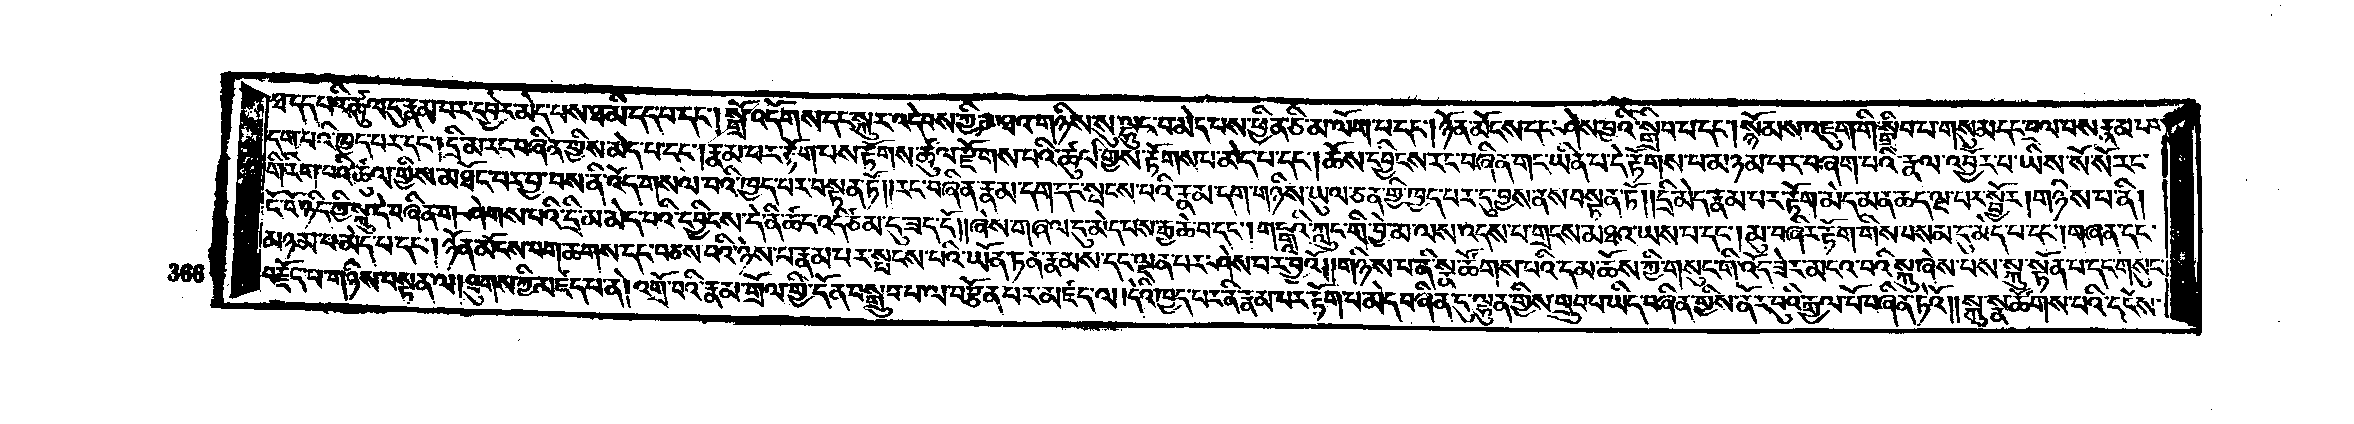ཐ་དད་པའི་ཚུལ་དུ་རྣམ་པར་དབྱེར་མེད་པས་ཐ་མི་དད་པ་དང་། སྒྲོ་འདོགས་དང་སྐུར་འདེབས་ཀྱི་མཐའ་གཉིས་སུ་ལྷུང་བ་མེད་པས་ཕྱིན་ཅི་མ་ལོག་པ་དང་། ཉོན་མོངས་དང་ཤེས་བྱའི་སྒྲིབ་པ་དང་། སྙོམས་འཇུག་གི་སྒྲིབ་པ་གསུམ་དང་བྲལ་བས་རྣམ་པར་
དག་པའི་ཁྱད་པར་དང་། དྲི་མ་རང་བཞིན་གྱིས་མེད་པ་དང་། རྣམ་པར་རྟོག་པས་རྟོགས་ཚུལ་རྫོགས་པའི་ཚུལ་གྱིས་རྟོགས་པ་མེད་པ་དང་། ཆོས་དབྱིངས་རང་བཞིན་གང་ཡིན་པ་དེ་རྟོགས་པ་མཉམ་པར་བཞག་པའི་རྣལ་འབྱོར་པ་ཡིས་སོ་སོ་རང་
གི་རིག་པའི་ཚུལ་གྱིས་མཐོང་བར་བྱ་བས་ནི་འོད་གསལ་བའི་ཁྱད་པར་བསྟན་ཏོ། །རང་བཞིན་རྣམ་དག་དང་སྤངས་པའི་རྣམ་དག་གཉིས་ཡུལ་ཅན་གྱི་ཁྱད་པར་དུ་བྱས་ནས་བསྟན་ཏོ། །དྲི་མེད་རྣམ་པར་རྟོག་མེད་མན་ཆད་ལྔ་པར་སྦྱོར། གཉིས་པ་ནི།
ངོ་བོ་ཉིད་ཀྱི་སྐུ་དེ་བཞིན་གཤེགས་པའི་དྲི་མ་མེད་པའི་དབྱིངས་དེ་ནི་ཚད་འདི་ཙམ་དུ་ཟད་དོ། །ཞེས་གཞལ་དུ་མེད་པས་རྒྱ་ཆེ་བ་དང་། གངགཱི་ཀླུང་གི་བྱེ་མ་ལས་འདས་པ་གྲངས་མཐའ་ཡས་པ་དང་། མུ་བཞིར་རྟོག་གིས་བསམ་དུ་མེད་པ་དང་། གཞན་དང་
མཉམ་པ་མེད་པ་དང་། ཉོན་མོངས་བག་ཆགས་དང་བཅས་པའི་ཉེས་པ་རྣམ་པར་སྤངས་པའི་ཡོན་ཏན་རྣམས་དང་ལྡན་པར་ཤེས་པར་བྱའོ། །གཉིས་པ་ནི་སྣ་ཚོགས་པའི་དམ་ཆོས་ཀྱི་གསུང་གི་འོད་ཟེར་མངའ་བའི་སྐུ་ཞེས་པས་སྐུ་སྟོན་པ་དང་གསུང་
བརྗོད་པ་གཉིས་བསྟན་ལ། ཐུགས་ཀྱི་མཛད་པ་ནི། འགྲོ་བའི་རྣམ་གྲོལ་གྱི་དོན་བསྒྲུབ་པ་ལ་བརྩོན་པར་མཛད་ལ། དེའི་ཁྱད་པར་ནི་རྣམ་པར་རྟོག་པ་མེད་བཞིན་དུ་ལྷུན་གྱིས་གྲུབ་པ་ཡིད་བཞིན་གྱིས་ནོར་བུའི་རྒྱལ་པོ་བཞིན་ཏེའོ། །སྐུ་སྣ་ཚོགས་པའི་དངོས་